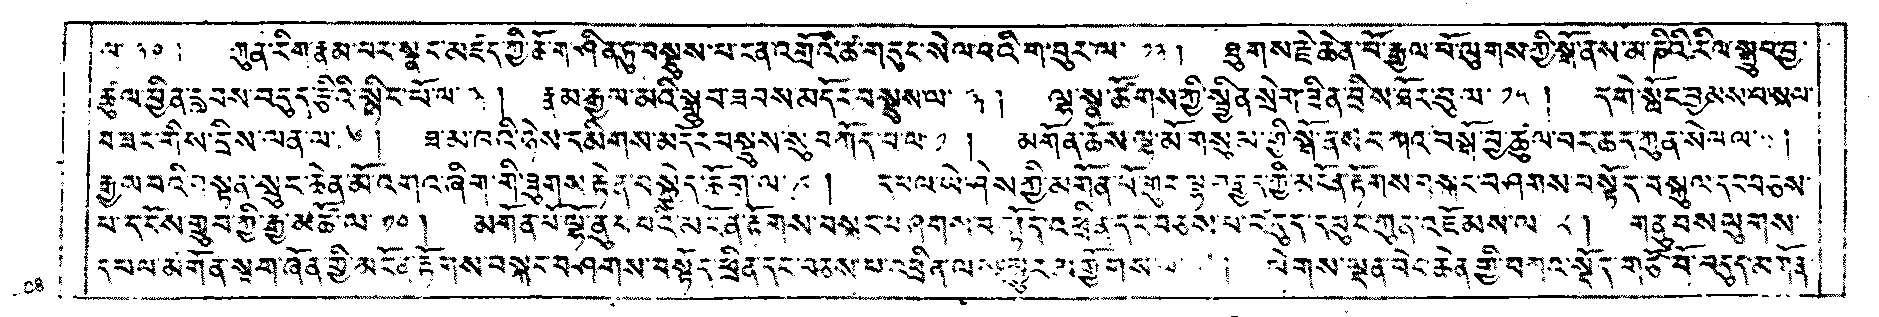ལ ༢༠། ཀུན་རིག་རྣམ་པར་སྣང་མཛད་ཀྱི་ཆོ་ག་ཤིན་ཏུ་བསྡུས་པ་ངན་འགྲོའི་ཚ་གདུང་སེལ་བའི་ག་བུར་ལ ༡༢། ཐུགས་རྗེ་ཆེན་པོ་རྒྱལ་པོ་ལུགས་ཀྱི་སྒོ་ནས་མ་ཎིའི་རིལ་སྒྲུབ་བྱ་
ཚུལ་བྱིན་རླབས་བདུད་རྩིའི་སྙིང་པོ་ལ ༣། རྣམ་རྒྱལ་མའི་སྒྲུབ་ཐབས་མདོར་བསྡུས་ལ ༣། ལྷ་སྣ་ཚོགས་ཀྱི་སྦྱིན་སྲེག་ཟིན་བྲིས་ཐོར་བུ་ལ ༡༥། དགེ་སློང་བྱམས་པ་སྐལ་
བཟང་གིས་དྲིས་ལན་ལ ༦། ཐ་མ་ཁའི་ཉེས་དམིགས་མདོར་བསྡུས་སུ་བཀོད་པ་ལ ༡། མགོན་ཆོས་ལྷ་མོ་གསུམ་གྱི་སྒོ་ནས་བཀའ་བསྒོ་བྱ་ཚུལ་བར་ཆད་ཀུན་སེལ་ལ ༤།
རྒྱལ་བའི་བསྟན་སྲུང་ཆེན་མོ་འགའ་ཞིག་གི་ཐུགས་རྟེན་བསྐྱེད་ཆོག་ལ ༩། དཔལ་ཡེ་ཤེས་ཀྱི་མགོན་པོ་གུར་ལྷ་བརྒྱད་ཀྱི་མངོན་རྟོགས་བསྐང་བཤགས་བསྟོད་བསྐུལ་དང་བཅས་
པ་དངོས་གྲུབ་ཀྱི་རྒྱ་མཚོ་ལ ༡༠། མགོན་པོ་ལྷོ་ནུབ་པའི་མངོན་རྟོགས་བསྐང་བཤགས་བསྟོད་འཕྲིན་དང་བཅས་པ་བདུད་དཔུང་ཀུན་འཇོམས་ལ ༨། གནུབས་ལུགས་
དཔལ་མགོན་སྟག་ཞོན་གྱི་མངོན་རྟོགས་བསྐང་བཤགས་བསྟོད་ཕྲིན་དང་བཅས་པ་འཕྲིན་ལས་མྱུར་མགྱོགས་ལ ༧། ལེགས་ལྡན་བེང་ཆེན་གྱི་བཀའ་སྡོད་གཙོ་བོ་བདུད་མགོན་